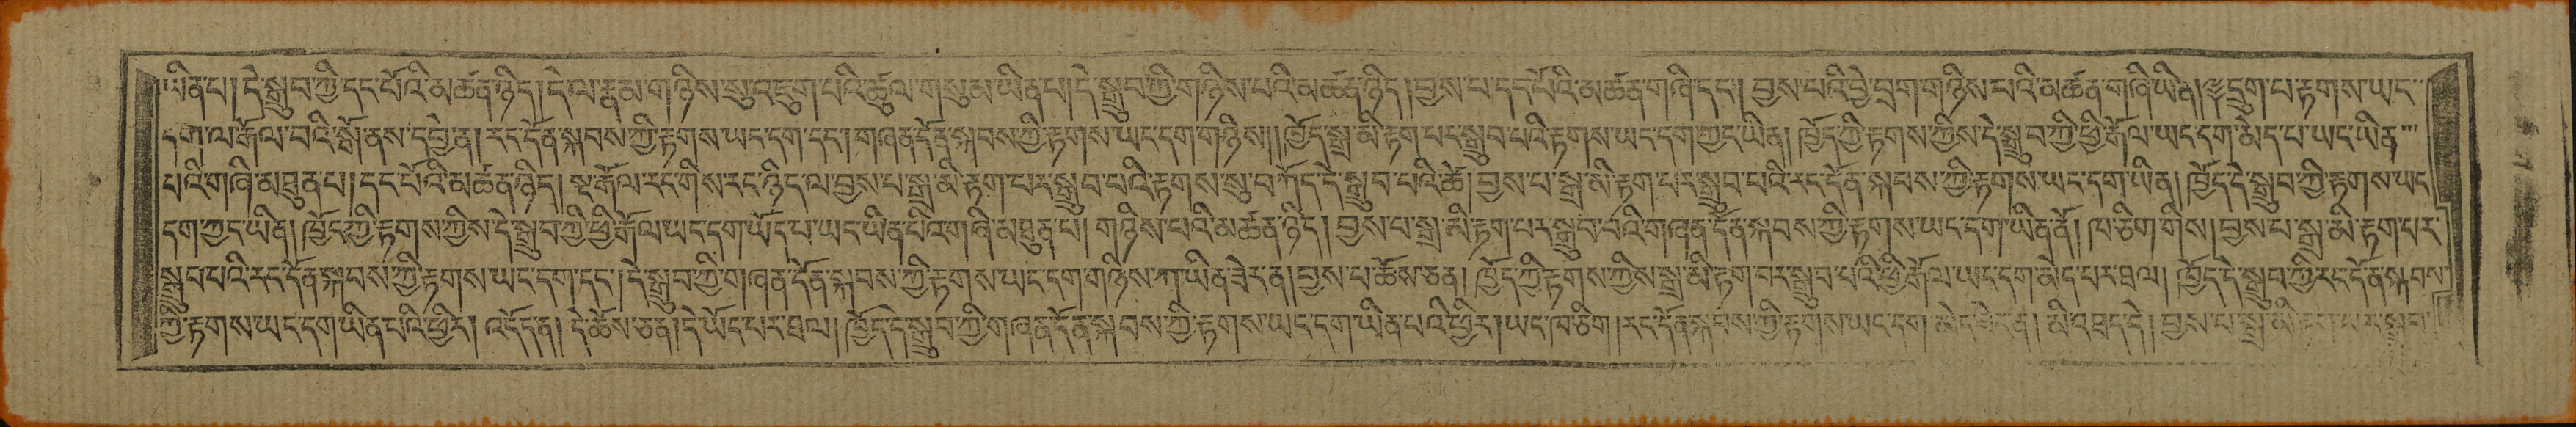ཡིན་པ། དེ་སྒྲུབ་ཀྱི་དང་པོའི་མཚན་ཉིད། དེ་ལ་རྣམ་གཉིས་སུ་འཇུག་པའི་ཚུལ་གསུམ་ཡིན་པ། དེ་སྒྲུབ་ཀྱི་གཉིས་པའི་མཚན་ཉིད། བྱས་པ་དང་པོའི་མཚན་གཞི་དང་། བྱས་པའི་བྱེ་བྲག་གཉིས་པའི་མཚན་གཞི་ཡིན། ༈ དྲུག་པ་རྟགས་ཡང་
དག་ལ་རྒོལ་བའི་སྒོ་ནས་དབྱེ་ན། རང་དོན་སྐབས་ཀྱི་རྟགས་ཡང་དག་དང་། གཞན་དོན་སྐབས་ཀྱི་རྟགས་ཡང་དག་གཉིས། །ཁྱོད་སྒྲ་མི་རྟག་པར་སྒྲུབ་པའི་རྟགས་ཡང་དག་ཀྱང་ཡིན། ཁྱོད་ཀྱི་རྟགས་ཀྱིས་དེ་སྒྲུབ་ཀྱི་ཕྱི་རྒོལ་ཡང་དག་མེད་པ་ཡང་ཡིན་
པའི་གཞི་མཐུན་པ། དང་པོའི་མཚན་ཉིད། སྔ་རྒོལ་རང་གིས་རང་ཉིད་ལ་བྱས་པ་སྒྲ་མི་རྟག་པར་སྒྲུབ་པའི་རྟགས་སུ་བཀོད་དེ་སྒྲུབ་པའི་ཚེ། བྱས་པ་སྒྲ་མི་རྟག་པར་སྒྲུབ་པའི་རང་དོན་སྐབས་ཀྱི་རྟགས་ཡང་དག་ཡིན། ཁྱོད་དེ་སྒྲུབ་ཀྱི་རྟགས་ཡང་
དག་ཀྱང་ཡིན། ཁྱོད་ཀྱི་རྟགས་ཀྱིས་དེ་སྒྲུབ་ཀྱི་ཕྱི་རྒོལ་ཡང་དག་ཡོད་པ་ཡང་ཡིན་པའི་གཞི་མཐུན་པ། གཉིས་པའི་མཚན་ཉིད། བྱས་པ་སྒྲ་མི་རྟག་པར་སྒྲུབ་པའི་གཞན་དོན་སྐབས་ཀྱི་རྟགས་ཡང་དག་ཡིན་ནོ། ཁ་ཅིག་གིས། བྱས་པ་སྒྲ་མི་རྟག་པར་
སྒྲུབ་པའི་རང་དོན་སྐབས་ཀྱི་རྟགས་ཡང་དག་དང་། དེ་སྒྲུབ་ཀྱི་གཞན་དོན་སྐབས་ཀྱི་རྟགས་ཡང་དག་གཉིས་ཀ་ཡིན་ཟེར་ན། བྱས་པ་ཆོས་ཅན། ཁྱོད་ཀྱི་རྟགས་ཀྱིས་སྒྲ་མི་རྟག་པར་སྒྲུབ་པའི་ཕྱི་རྒོལ་ཡང་དག་མེད་པར་ཐལ། ཁྱོད་དེ་སྒྲུབ་ཀྱི་རང་དོན་སྐབས་
ཀྱི་རྟགས་ཡང་དག་ཡིན་པའི་ཕྱིར། འདོད་ན། དེ་ཆོས་ཅན། དེ་ཡོད་པར་ཐལ། ཁྱོད་དེ་སྒྲུབ་ཀྱི་གཞན་དོན་སྐབས་ཀྱི་རྟགས་ཡང་དག་ཡིན་པའི་ཕྱིར། ཡང་ཁ་ཅིག །རང་དོན་སྐབས་ཀྱི་རྟགས་ཡང་དག་མེད་ཟེར་ན། མི་འཐད་དེ། བྱས་པ་སྒྲ་མི་རྟག་པར་སྒྲུབ་